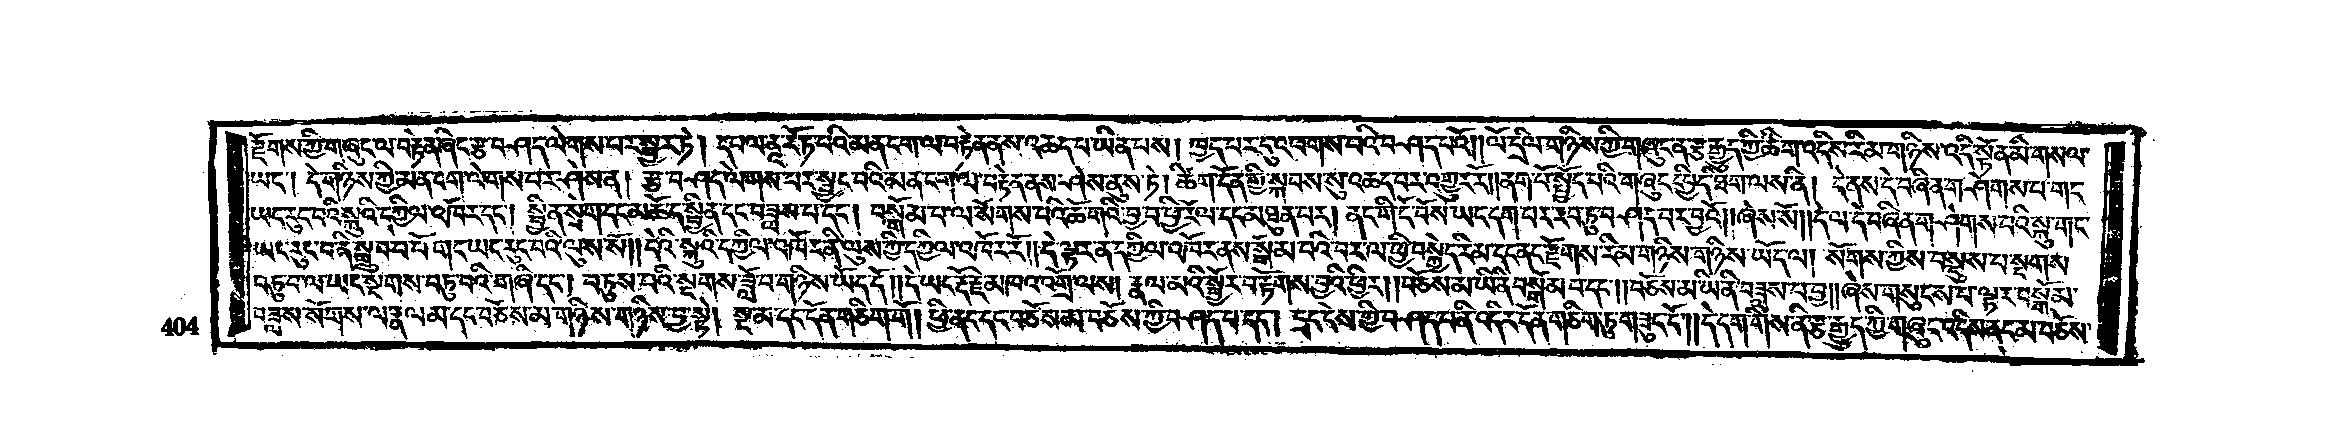རྫོགས་ཀྱི་གཞུང་ལ་བརྟེན་ཞིང་རྩ་བཤད་ལེགས་པར་སྦྱར་ཏེ། དཔལ་ནཱ་རོ་ཏ་པའི་མན་ངག་ལ་བརྟེན་ནས་འཆད་པ་ཡིན་པས། ཁྱད་པར་དུ་འཕགས་པའི་བཤད་པའོ། །ལོ་དྲིལ་གཉིས་ཀྱི་གཞུང་ན་རྩ་རྒྱུད་ཀྱི་ཚིག་འདིས་རིམ་གཉིས་འདི་སྟོན་མི་གསལ་
ཡང་། དེ་གཉིས་ཀྱི་མན་ངག་ལེགས་པར་ཤེས་ན། རྩ་བཤད་ལེགས་པར་སྦྱང་བའི་མན་ངག་ལ་བརྟེན་ནས་ཤེས་ནུས་ཏེ། ཚིག་དོན་གྱི་སྐབས་སུ་འཆད་པར་འགྱུར་རོ། །ནག་པོ་སྤྱོད་པའི་གཞུང་དཔྱིད་ཐིག་ལས་ནི། དེ་ནས་དེ་བཞིན་གཤེགས་པ་གང་
ཡང་རུང་བའི་སྐུའི་དཀྱིལ་འཁོར་དང་། སྦྱིན་སྲེག་དང་མཆོད་སྦྱིན་དང་བཟླས་པ་དང་། བསྒོམ་པ་ལ་སོགས་པའི་ཆོ་གའི་བྱ་བ་ཕྱི་རོལ་དང་མཐུན་པར། ནང་གི་ངོ་བོས་ཡང་དག་པར་རབ་ཏུ་བཤད་པར་བྱའོ། །ཞེས་སོ། །དེ་ལ་དེ་བཞིན་གཤེགས་པའི་སྐུ་གང་
ཡང་རུང་བ་ནི་སྒྲུབ་པ་པོ་གང་ཡང་རུང་བའི་ལུས་སོ། །དེའི་སྐུའི་དཀྱིལ་འཁོར་ནི་ལུས་ཀྱི་དཀྱིལ་འཁོར་རོ། །དེ་ལྟར་ན་དཀྱིལ་འཁོར་ནས་སྒོམ་པའི་བར་ལ་ཕྱི་བསྐྱེད་རིམ་དང་ནང་རྫོགས་རིམ་གཉིས་གཉིས་ཡོད་ལ། སོགས་ཀྱིས་བསྡུས་པ་སྔགས་
བཏུ་བ་ལ་ཡང་སྔགས་བཏུ་བའི་གཞི་དང་། བཏུས་པའི་སྔགས་ཟློ་བ་གཉིས་ཡོད་དོ། །དེ་ཡང་རྡོ་རྗེ་མཁའ་འགྲོ་ལས། རྣལ་མའི་སྦྱོར་བ་རྟོགས་བྱའི་ཕྱིར། །བཅོས་མ་ཡི་ནི་བསྒོམ་པ་དང་། །བཅོས་མ་ཡི་ནི་བཟླས་པ་བྱ། །ཞེས་གསུངས་པ་ལྟར་བསྒོམ་
བཟླས་སོགས་ལ་རྣལ་མ་དང་བཅོས་མ་གཉིས་གཉིས་བྱ་སྟེ། སྔ་མ་དང་དོན་གཅིག་གོ །ཕྱི་ནང་དང་བཅོས་མ་བཅོས་ཀྱི་བཤད་པ་དང་། དྲང་ངེས་ཀྱི་བཤད་པ་ནི་འདིར་དོན་གཅིག་ཏུ་གཟུང་ངོ། །དེ་དག་གིས་ནི་རྩ་རྒྱུད་ཀྱི་གཞུང་འདིས་ནང་མ་བཅོས་